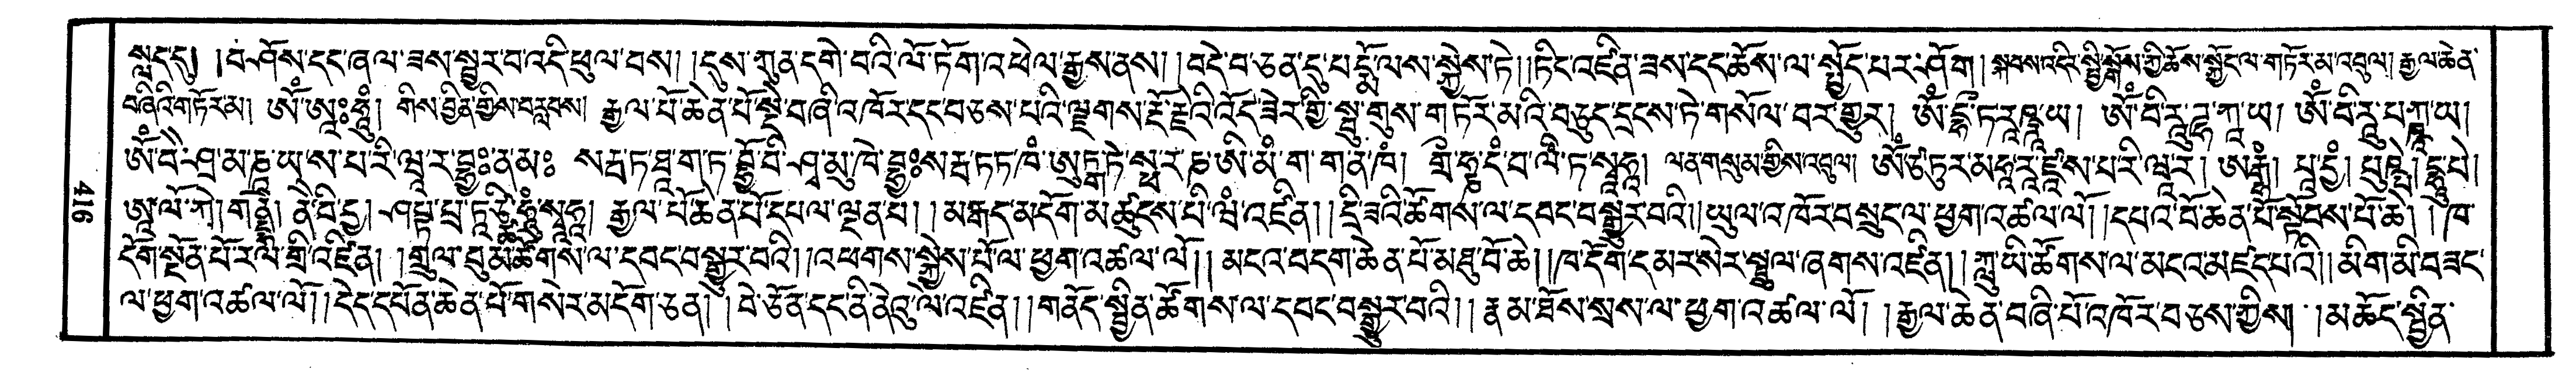སླད་དུ། །བཤོས་དང་ཞལ་ཟས་སྦྱར་བ་འདི་ཕུལ་བས། །དུས་ཀུན་དགེ་བའི་ལོ་ཏོག་འཕེལ་རྒྱས་ནས། །བདེ་བ་ཅན་དུ་པདམོ་ལས་སྐྱེས་ཏེ། །ཏིང་ངེ་འཛིན་ཟས་དང་ཆོས་ལ་སྤྱོད་པར་ཤོག། འདིར་སྤྱི་སྒོས་ཀྱི་ཆོས་སྐྱོང་ལ་གཏོར་མ་འབུལ། རྒྱལ་ཆེན་
བཞིའི་གཏོར་མ། ཨོཾ་ཨཱཿཧཱུཾ། གིས་བྱིན་གྱིས་བརླབས།  རྒྱལ་པོ་ཆེན་པོ་སྡེ་བཞི་འཁོར་དང་བཅས་པའི་ལྗགས་རྡོ་རྗེའི་འོད་ཟེར་གྱི་སྦུ་གུས་གཏོར་མའི་བཅུད་དྲངས་ཏེ་གསོལ་བར་གྱུར། ཨོཾ་དྷྲཾ་ཏ་རཱཥྚཱ་ཡ། ཨོཾ་བི་རཱུ་ཌྷ་ཀཱ་ཡ། ཨོཾ་བིརཱུ་པཀྵཱ་ཡ།
ཨོཾ་བཻ་ཤྲ་མ་ཎཱ་ཡ་ས་པ་རི་ཝཱ་ར་བྷྱཿན་མཿ སརྦ་ཏ་ཐཱ་ག་ཏ་བྷྱོ་པི་ཤྭ་མུ་ཁེ་བྷྱཿསརྦ་ཏཏ་ཁཾ་ཨུཏྒ་ཏེ་སྥ་ར་ཎ་ཨི་མཾ་ག་ན་ཁཾ། གྲྀ་ཧྞེ་དཾ་བ་ལིཾ་ཏ་སྭཱཧཱ། ལན་གསུམ་གྱིས་འབུལ།  ཨོཾ་ཙ་ཏུར་མཧཱ་རཱ་ཛཱ་ས་པ་རི་ཝཱར། ཨརྒྷཾ། པཱ་དྱཾ། པུཥྤེ། དྷཱུ་པེ།
ཨཱ་ལོ་ཀེ། གནྡྷེ། ནཻ་བི་དྱ། ཤཔྟ་པྲ་ཏཱིཙྪ་ཧཱུཾ་སྭཱཧཱ། རྒྱལ་པོ་ཆེན་པོ་དཔལ་ལྡན་པ། །མྲྒད་མདོག་མཚུངས་པི་ཝཾ་འཛིན། །དྲི་ཟའི་ཚོགས་ལ་དབང་བསྒྱུར་བའི། །ཡུལ་འཁོར་བསྲུང་ལ་ཕྱག་འཚལ་ལོ། །དཔའ་བོ་ཆེན་པོ་སྟོབས་པོ་ཆེ། །ཁ་
དོག་སྔོན་པོ་རལ་གྲི་འཛིན། །གྲུལ་བུམ་ཚོགས་ལ་དབང་བསྒྱུར་བའི། །འཕགས་སྐྱེས་པོ་ལ་ཕྱག་འཚལ་ལོ། །མངའ་བདག་ཆེན་པོས་ཐུ་པོ་ཆེ། །ཁྲ་དོག་དམར་སེར་སྦྲུལ་ཞགས་འཛིན། །ཀླུ་ཡི་ཚོགས་ལ་མདང་མཛད་པའི། །མིག་མི་བཟང་
ལ་ཕྱག་འཚལ་ལོ། །དེད་དཔོན་ཆེན་པོ་གསེར་མདོག་ཅན། །བེ་ཅོན་དང་ནི་ནེའུ་ལེ་འཛིན། །གནོད་སྦྱིན་ཚོགས་ལ་དབང་བསྒྱུར་བའི། །རྣམ་ཐོས་སྲས་ལ་ཕྱག་འཚལ་ལོ། །རྒྱལ་ཆེན་བཞི་པོ་འཁོར་བཅས་ཀྱིས། །མཆོད་སྦྱིན་